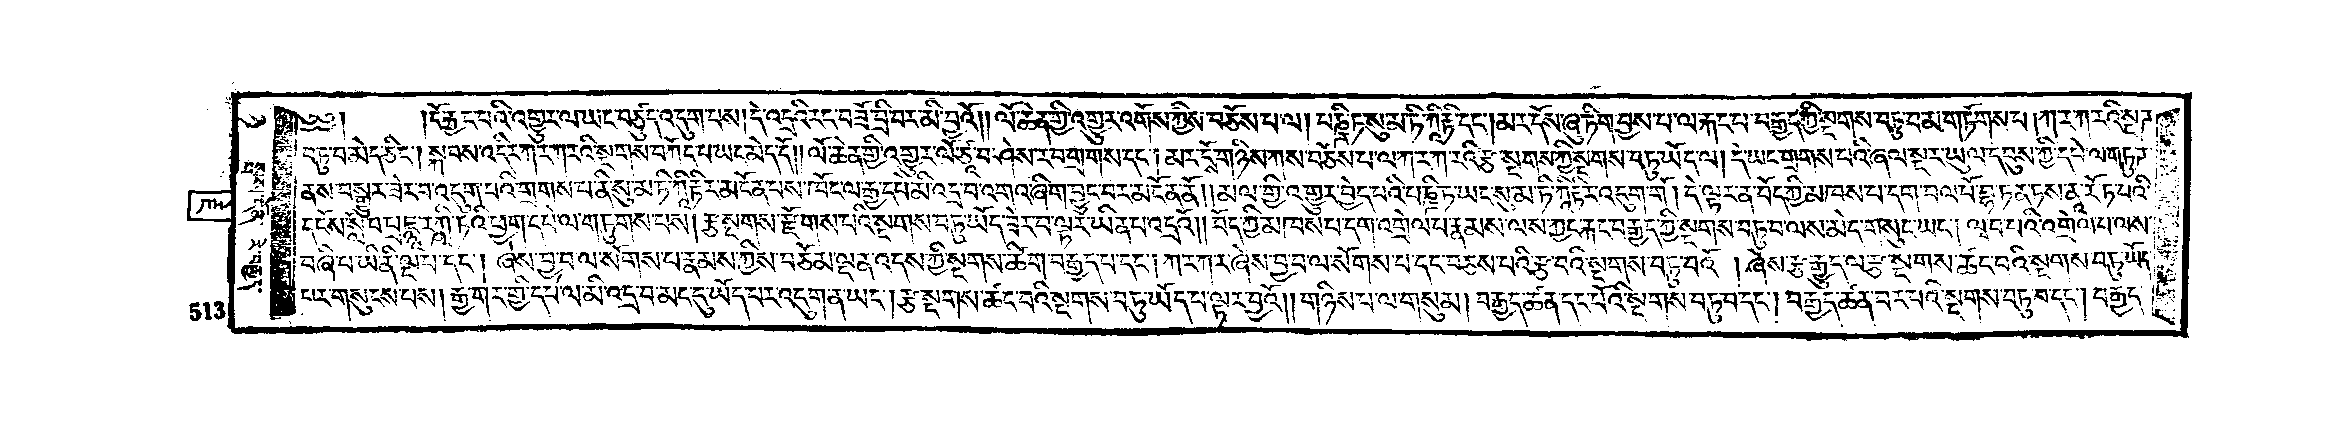༄༅། །ངོ་རྐྱང་པའི་འགྱུར་ལ་ཡང་བཙུད་འདུག་པས། དེ་འདྲའི་རང་བཟོ་བྲི་བར་མི་བྱའོ། །ལོ་ཆེན་གྱི་འགྱུར་འགོས་ཀྱིས་བཅོས་པ་ལ། པཎྜི་ཏ་སུ་མ་ཏི་ཀཱི་རྟི་དང་། མར་དོས་ཞུ་ཏིག་བྱས་པ་ལ་རྐང་པ་བརྒྱད་ཀྱི་སྔགས་བཏུ་བ་མ་གཏོགས་པ། ཀ་ར་ཀ་རའི་སྔགས་
བཏུ་བ་མེད་ཅིང་། སྐབས་འདིར་ཀ་ར་ཀ་རའི་སྔགས་བཀོད་པ་ཡང་མེད་དོ། །ལོ་ཆེན་གྱི་འགྱུར་ལོ་ཙཱ་བ་ཤེས་རབ་གྲགས་དང་། མར་ངོས་གཉིས་ཀས་བཅོས་པ་ལ་ཀ་ར་ཀ་རའི་རྩ་སྔགས་ཀྱི་སྔགས་བཏུ་ཡོད་ལ། དེ་ཡང་གྲགས་པའི་ཞལ་སྔར་ཡུལ་དབུས་ཀྱི་དཔེ་ལ་གཏུགས་
ནས་བསྒྱུར་ཟེར་བ་འདུག་པའི་གྲགས་པ་ནི་སུ་མ་ཏི་ཀཱི་རྟིར་མངོན་པས་ཁོང་ལ་རྒྱ་དཔེ་མི་འདྲ་བ་འགའ་ཞིག་བྱུང་བར་མངོན་ནོ། །མལ་གྱི་འགྱུར་བྱེད་པའི་པཎྜི་ཏ་ཡང་སུ་མ་ཏི་ཀཱི་རྟིར་འདུག་གོ །དེ་ལྟར་ན་བོད་ཀྱི་མཁས་པ་དག་བལ་པོ་བྷ་ཏན་ཏས་ནཱ་རོ་ཏ་པའི་
དངོས་སློབ་པྲཛྙཱ་རཀྵི་ཏའི་ཕྱག་དཔེ་ལ་གཏུགས་པས། རྩ་སྔགས་རྫོགས་པའི་སྔགས་བཏུ་ཡོད་ཟེར་བ་ལྟར་ཡིན་པ་འདྲའོ། །བོད་ཀྱི་མཁས་པ་དག་འགྲེལ་པ་རྣམས་ལས་ཀྱང་རྐང་བརྒྱད་ཀྱི་སྔགས་བཏུ་བ་ལས་མེད་གསུང་ཡང་། ལྭ་བ་པའི་འགྲེལ་པ་ལས་
བཞི་པ་ཡི་ནི་ལྔ་པ་དང་། ཞེས་བྱ་བ་ལ་སོགས་པ་རྣམས་ཀྱིས་བཅོམ་ལྡན་འདས་ཀྱི་སྔགས་ཚིག་བརྒྱད་པ་དང་། ཀ་ར་ཀ་ར་ཞེས་བྱ་བ་ལ་སོགས་པ་དང་བཅས་པའི་རྩ་བའི་སྔགས་བཏུ་བའོ། ཞེས་རྩ་རྒྱུད་ལ་རྩ་སྔགས་ཚང་བའི་སྔགས་བཏུ་ཡོད་
པར་གསུངས་པས། རྒྱ་གར་གྱི་དཔེ་ལ་མི་འདྲ་བ་མང་དུ་ཡོད་པར་འདུག་ན་ཡང་། རྩ་སྔགས་ཚང་བའི་སྔགས་བཏུ་ཡོད་པ་ལྟར་བྱའོ། །གཉིས་པ་ལ་གསུམ། བརྒྱད་ཚན་དང་པོའི་སྔགས་བཏུ་བ་དང་། བརྒྱད་ཚན་བར་པའི་སྔགས་བཏུ་བ་དང་། བརྒྱད་